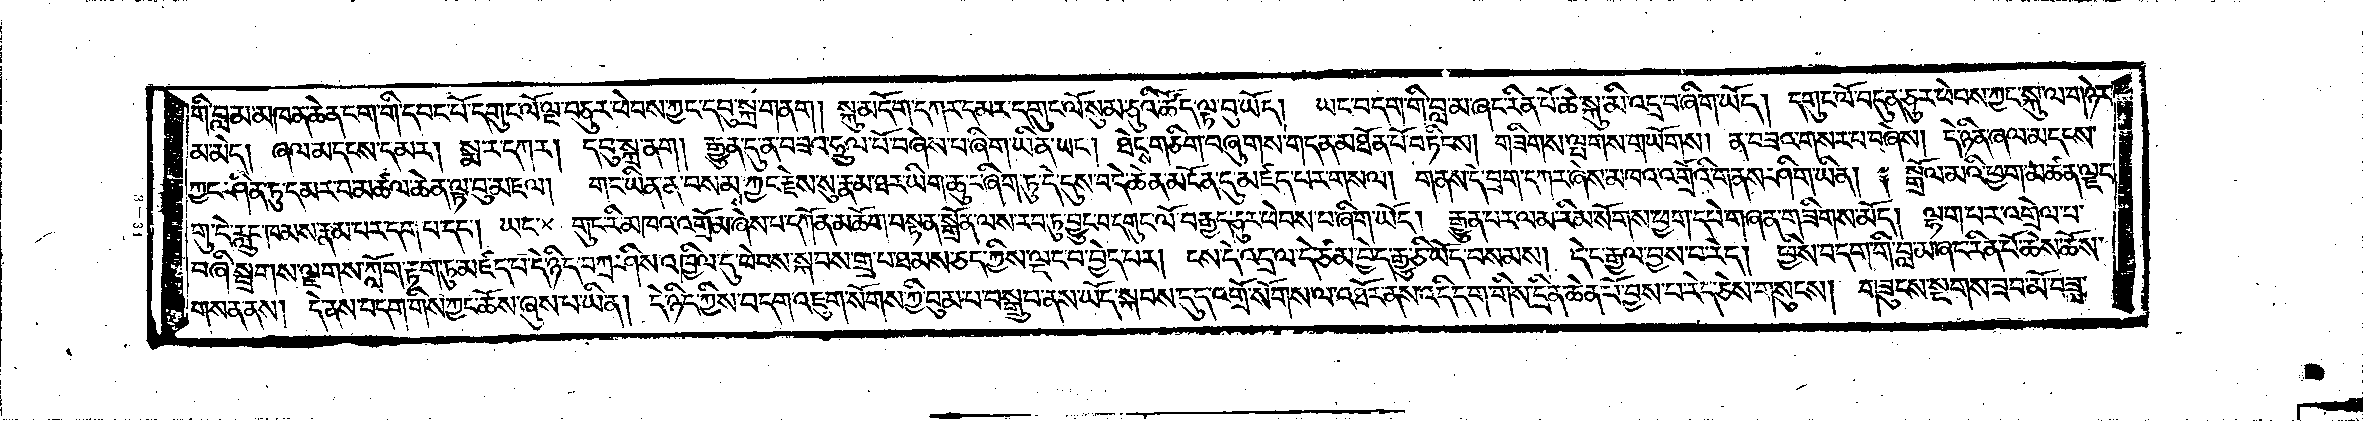གི་བླ་མ་མཁན་ཆེན་ངག་གི་དབང་པོ་དགུང་ལོ་ལྔ་བཅུར་ཕེབས་ཀྱང་དབུ་སྐྲ་གནག །སྐུ་མདོག་དཀར་དམར་དགུང་ལོ་སུམ་ཅུའི་ཚོད་ལྟ་བུ་ཡོད། ཡང་བདག་གི་བླ་མ་ཞང་རིན་པོ་ཆེ་སྐུ་མི་འདྲ་བ་ཞིག་ཡོད། དགུང་ལོ་བདུན་ཅུར་ཕེབས་ཀྱང་སྐུ་ལ་གཉེར་
མ་མེད། ཞལ་མདངས་དམར། སྨར་དཀར། དབུ་སྐྲ་ནག། རྒྱུན་དུ་ན་བཟའ་ཧྲུལ་པོ་བཞེས་པ་ཞིག་ཡིན་ཡང་། ཐེངས་གཅིག་བཞུགས་གདན་མཐོན་པོ་བཏིངས། གཟིགས་ལྤགས་གཡོགས། ན་བཟའ་གསར་པ་བཞེས། དེ་ཉིན་ཞལ་མདངས་
ཀྱང་ཤིན་ཏུ་དམར་བ་མཚལ་ཆེན་ལྟ་བུ་མཇལ། གང་ཡིན་ན་བསམས་ཀྱང་རྗེས་སུ་རྣམ་ཐར་ཡིག་ཆུང་ཞིག་ཏུ་དེ་དུས་བདེ་ཆེན་མངོན་དུ་མཛད་པར་གསལ། གནས་དེ་བྲག་དཀར་ཞེས་མཁའ་འགྲོའི་གནས་ཤིག་ཡིན། ༈ སྒྲོལ་མའི་ཕྱག་མཚན་ལྗང་
གུ་ངེ་རླུང་ཁམས་རྣམ་པར་དག་པ་དང་། ཡང྾་གུང་རི་མཁའ་འགྲོ་མ་ཞེས་པ་དཀོན་མཆོག་བསྟན་སྒྲོན་ལས་རབ་ཏུ་བྱུང་བ་དགུང་ལོ་བརྒྱད་ཅུར་ཕེབས་པ་ཞིག་ཡོད། རྒྱུན་པར་ལམ་རིམ་སོགས་ཕྱག་དཔེ་གཞན་གཟིགས་མོད། ལྷག་པར་འགྲེལ་པ་
བཞི་སྦྲགས་ལྗགས་ཀློག་རྟག་ཏུ་མཛད་པ་དེ་ཉིད་བཀྲ་ཤིས་འཁྱིལ་དུ་ཕེབས་སྐབས་གྲུ་པ་ཐམས་ཅད་ཀྱིས་ལྡང་བ་བྱེད་པར། ངས་དེ་འདྲ་ལ་དེ་ཙམ་བྱེད་རྒྱུ་ཅི་ཡོད་བསམས། དེ་ང་རྒྱལ་བྱས་པ་རེད། ཕྱིས་བདག་གི་བླ་མ་ཞང་རིན་པོ་ཆེ་ཆོས་
གསན་ནས། དེ་ནས་བདག་གིས་ཀྱང་ཆོས་ཞུས་པ་ཡིན། དེ་ཉིད་ཀྱིས་བདག་འཇུག་སོགས་ཀྱི་བུམ་པ་བསྒྲུབ་ནས་ཡོད་སྐབས་དུད་འགྲོ་སོགས་ལ་འཐོར་ནས་འདི་དག་གིས་དྲིན་ཆེན་པོ་བྱས་པ་རེད་ཅེས་གསུངས། གཟུངས་སྔགས་ཟབ་མོ་བཟླ་